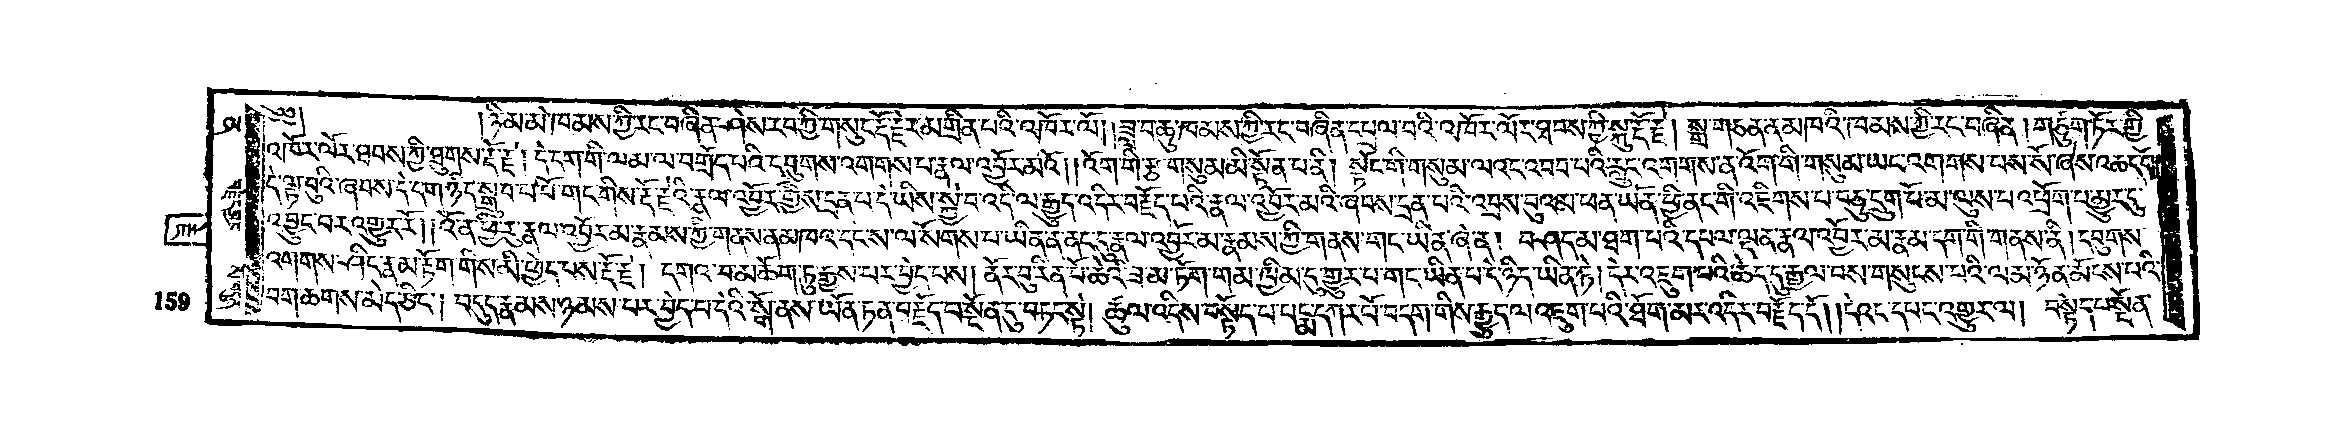༄༅། །ཉི་མ་མེ་ཁམས་ཀྱི་རང་བཞིན་ཤེས་རབ་ཀྱི་གསུང་རྡོ་རྗེར་མགྲིན་པའི་འཁོར་ལོ། །ཟླ་བ་ཆུ་ཁམས་ཀྱི་རང་བཞིན་དཔྲལ་བའི་འཁོར་ལོར་ཐབས་ཀྱི་སྐུ་རྡོ་རྗེ། སྒྲ་གཅན་ནམ་མཁའི་ཁམས་ཀྱི་རང་བཞིན། གཙུག་ཏོར་གྱི་
འཁོར་ལོར་ཐབས་ཀྱི་ཐུགས་རྡོ་རྗེ། དེ་དག་གི་ལམ་ལ་བགྲོད་པའི་དབུགས་འགགས་པ་རྣལ་འབྱོར་མའོ། །འོག་གི་རྩ་གསུམ་མི་སྟོན་པ་ནི། སྟེང་གི་གསུམ་ལའང་འབབ་པའི་རླུང་འགགས་ན་འོག་གི་གསུམ་ཡང་འགགས་པས་སོ་ཞེས་འཆད་དོ།།
དེ་ལྟ་བུའི་ཞབས་དེ་དག་ཉིད་སྒྲུབ་པ་པོ་གང་གིས་རྡོ་རྗེའི་རྣལ་འབྱོར་གྱིས་དྲན་པ་དེ་ཡིས་སྐྱེ་བ་འདི་ལ་རྒྱུད་འདིར་བརྗོད་པའི་རྣལ་འབྱོར་མའི་ཞབས་དྲན་པའི་འབྲས་བུའམ་ཕན་ཡོན་ཕྱི་ནང་གི་འཇིགས་པ་བཅུ་དྲུག་པོ་མ་ལུས་པ་འཕྲོག་པ་མྱུར་དུ་
འབྱུང་བར་འགྱུར་རོ། །འོ་ན་ཕྱི་རུ་རྣལ་འབྱོར་མ་རྣམས་ཀྱི་གནས་ནམ་མཁའ་དང་ས་ལ་སོགས་པ་ཡིན་ན་ནང་དུ་རྣལ་འབྱོར་མ་རྣམས་ཀྱི་གནས་གང་ཡིན་ཞེ་ན། བཤད་མ་ཐག་པའི་དཔལ་ལྡན་རྣལ་འབྱོར་མ་རྣམ་དག་གི་གནས་ནི། དབུགས་
འགགས་ཤིང་རྣམ་རྟོག་གིས་མི་ཕྱེད་པས་རྡོ་རྗེ། དགའ་བ་མཆོག་ཏུ་རྒྱས་པར་བྱེད་པས། ནོར་བུ་རིན་པོ་ཆེའི་ཟ་མ་ཏོག་གམ་ཁྱིམ་དུ་གྱུར་པ་གང་ཡིན་པ་དེ་ཉིད་ཡིན་ཏེ། དེར་འཇུག་པའི་ཆེད་དུ་རྒྱལ་བས་གསུངས་པའི་ལམ་ཉོན་མོངས་པའི་
བག་ཆགས་མེད་ཅིང་། བདུད་རྣམས་ཉམས་པར་བྱེད་པ་དེའི་སྒོ་ནས་ཡོན་ཏན་བརྗོད་པ་སྔོན་དུ་བཏང་སྟེ། ཚུལ་འདིས་བསྟོད་པ་པདམ་དཀར་པོ་བདག་གིས་རྒྱུད་ལ་འཇུག་པའི་ཐོག་མར་འདིར་བརྗོད་དོ། །དེའང་དཔང་འགྱུར་ལ། བསྟོད་པ་སྔོན་